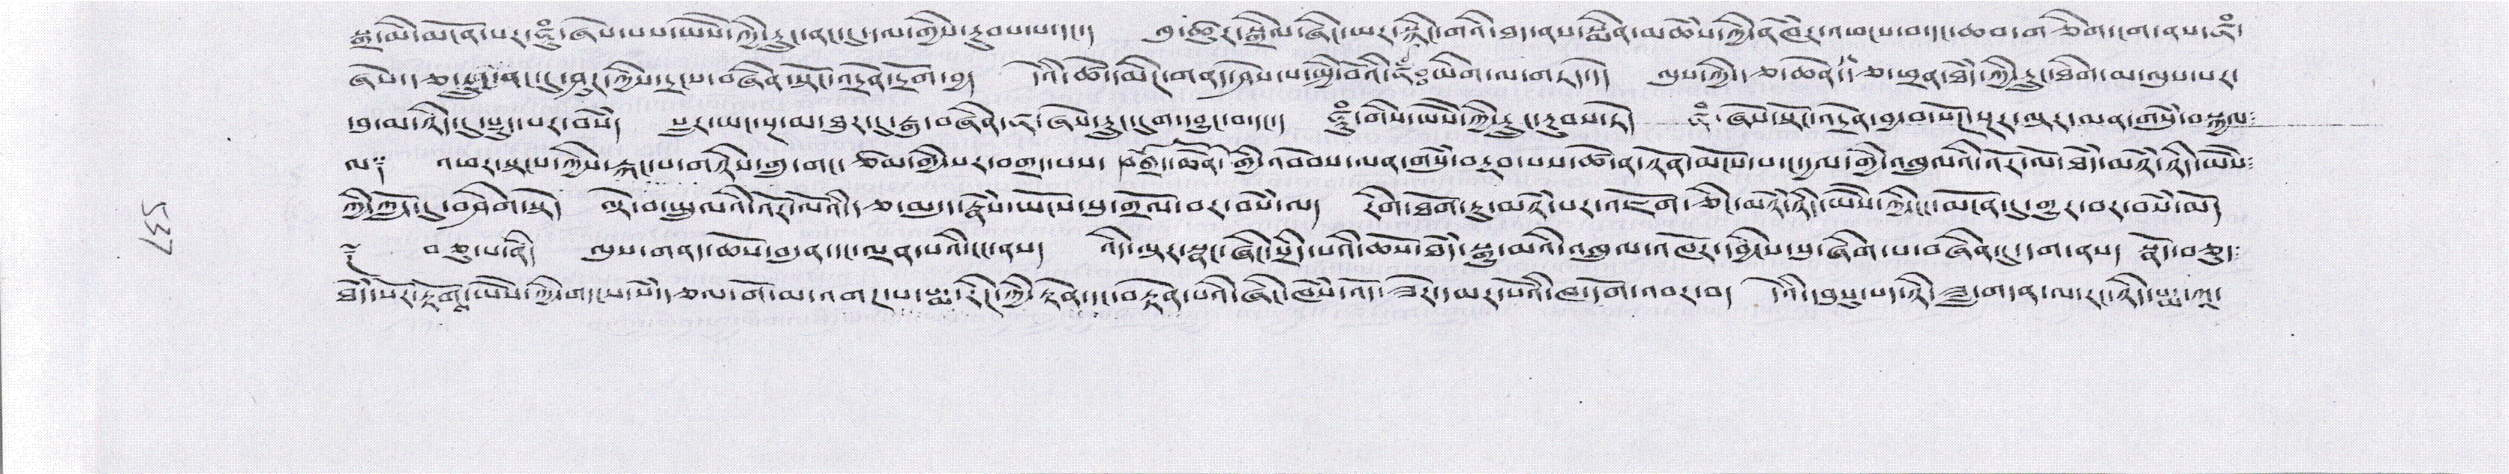སྒྲ་མི་མངོན་པར་ཧཱུཾཿཞེས་པས་ཡེ་ཤེས་ཀྱི་རླུང་ནང་དུ་དལ་གྱིས་རྔུབས་པ་དང་། ཁུ་ཚུར་སྒྲིལ་ཞིང་ཡར་སྙིང་གའི་ཐད་ནས་སྨིན་མཚམས་ཀྱི་ནམ་མཁར་འཕངས་པ་དང་ཆབས་ཅིག་ངག་ནས་ཧཾ་
རྩ་རླུང་ནང་དུ་ཤུགས་ཀྱིས་དྲངས་བཞིན་སྟོང་འདྲེན་དྲག་པོ་བྱ། དེའི་ཚེ་དམིགས་གནད་ཤེས་པ་སྤྱི་བོའི་ཧཾཿཡིག་ལ་གཏད་དེ། ལུས་ཀྱི་རྩ་ཆེན་དང་རྩ་ཕྲན་ཐམས་ཅད་ཀྱི་རླུང་ཐིག་མ་ལུས་པར་
དབུ་མ་ཉིད་དུ་སྡུད་པར་བསམ། སླར་ཡང་སྔ་མ་ཐུར་དུ་རྒུ་བཞིན་ཧཿཞེས་རླུང་དུག་དབྱུང་བ་དང་། ཧཱུཾཿགིས་ཡེ་ཤེས་ཀྱི་རླུང་རྔུབས་ཏེ། ཧཾ་ཞེས་སྟོང་འདྲེན་བྱ་བ་སོགས་སྔར་ལྟར་ལན་གསུམ་བསྐྱལ་
ལ། འཕར་སྟངས་ཀྱིས་རྐང་པ་གཉིས་གྲུ་གང་ཙམ་གྱི་སར་བསྒྲད་པས་༼བགྲོད་ཆེན་གྱི་འབེབས༽ལན་གསུམ་བརྡབ་པའི་ཚེ་ན་ཉོན་མོངས་པ་ང་རྒྱལ་གྱི་འཁྲུལ་པའི་འཁོར་ལོ་ཐམས་ཅད་མཉམ་ཉིད་ཡེ་ཤེས་
ཀྱི་ཀློང་དུ་བཤིག་སྟེ་ལྟེ་བ་སྤྲུལ་པའི་འཁོར་ལོའི་རྩ་མདུད་རྣམས་ཡོངས་སུ་གྲོལ་བར་བསམ་ལ། རིག་ཐོག་ཏུ་མཉམ་པར་འཇོག་ཅིང་མཉམ་ཉིད་ཡེ་ཤེས་ཀྱི་ངང་མངོན་དུ་གྱུར་པར་བསམ་མོ།། 
༧ བཅུ་པ་ནི། ལུས་གནད་ཆོས་བདུན་དང་ལྡན་པའི་ངང་ནས། འདི་ལྟར་སྣང་ཞིང་སྲིད་པའི་ཆོས་ཐམས་ཅད་སྒྱུ་མའི་འཁྲུལ་འཁོར་དབྱིངས་སུ་ཞིག་པ་བཞིན་དུ་དག་ནས། སྣོད་བཅུད་
ཐམས་ཅད་སོར་རྟོག་ཡེ་ཤེས་ཀྱི་གདངས་སམ་རྩལ་གོ་མ་འགག་པ་པདྨ་རིགས་ཀྱི་རྟེན་དང་བརྟེན་པའི་ཞིང་ཁམས་འོད་ཟེར་དམར་པོའི་ཁ་དོག་འབར་བ། དེའི་དབུས་སུ་པད་ཉི་ཟླ་གདན་ལ་རང་ཉིད་པདྨ་ཀཱ་